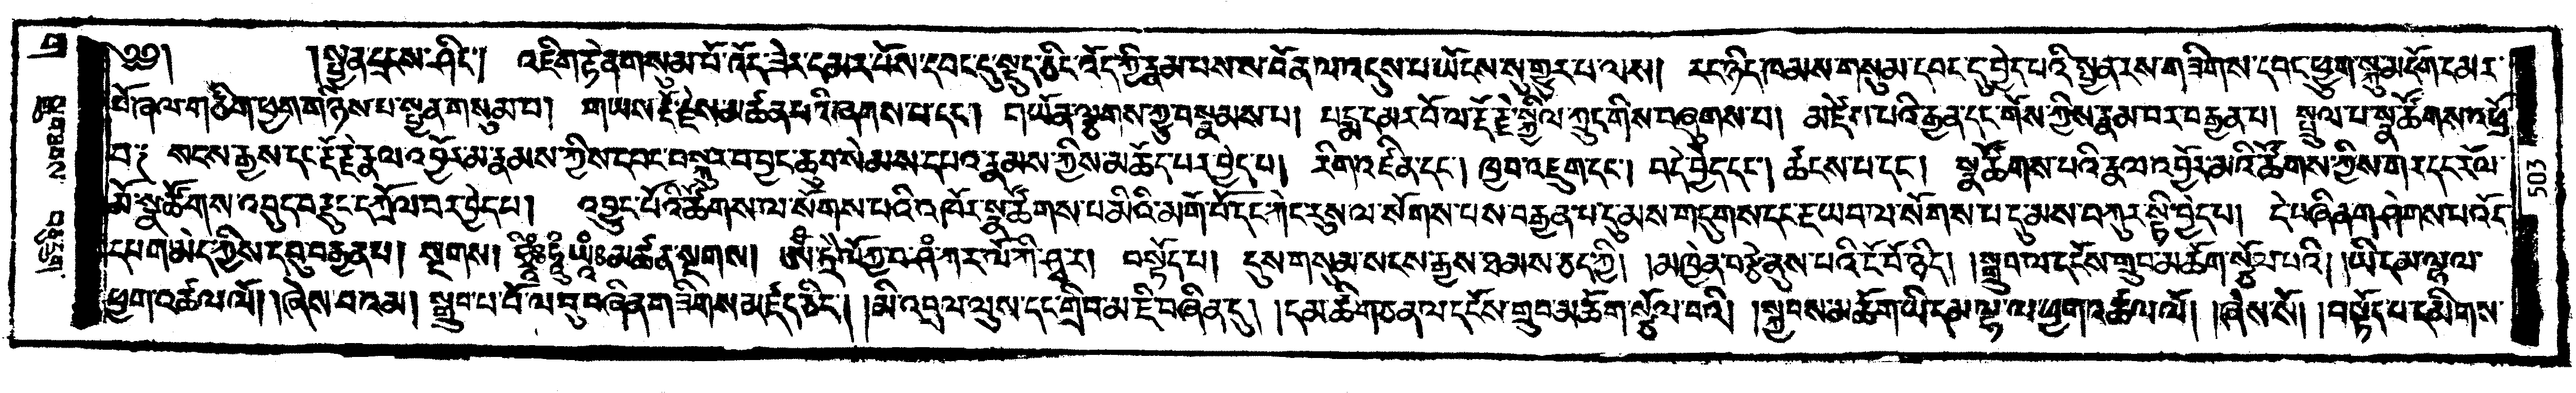༄༅། །སྤྱན་དྲངས་ཤིང་། འཇིག་རྟེན་གསུམ་པོ་འོད་ཟེར་དམར་པོས་དབང་དུ་སྡུད་ཅིང་འོད་ཀྱི་རྣམ་པས་ས་བོན་ལ་འདུས་པ་ཡོངས་སུ་གྱུར་པ་ལས། རང་ཉིད་ཁམས་གསུམ་དབང་དུ་བྱེད་པའི་སྤྱན་རས་གཟིགས་དབང་ཕྱུག་སྐུ་མདོག་དམར་
པོ་ཞལ་གཅིག་ཕྱག་གཉིས་པ་སྤྱན་གསུམ་པ། གཡས་རྡོ་རྗེས་མཚན་པའི་ཞགས་པ་དང་། གཡོན་ལྕགས་ཀྱུ་བསྣམས་པ། པདམ་དམར་པོ་ལ་རྡོ་རྗེ་སྐྱིལ་ཀྲུང་གིས་བཞུགས་པ། མཛེས་པའི་རྒྱན་དང་གོས་ཀྱིས་རྣམ་པར་བརྒྱན་པ། སྤྲུལ་པ་སྣ་ཚོགས་འཕྲོ་
བ༑ སངས་རྒྱས་དང་རྡོ་རྗེ་རྣལ་འབྱོར་མ་རྣམས་ཀྱིས་དབང་བསྐུར་བ་བྱང་ཆུབ་སེམས་དཔའ་རྣམས་ཀྱིས་མཆོད་པར་བྱེད་པ། རིག་འཛིན་དང་། ཁྱབ་འཇུག་དང་། བདེ་བྱེད་དང་། ཚངས་པ་དང་། སྣ་ཚོགས་པའི་རྣལ་འབྱོར་མའི་ཚོགས་ཀྱིས་གར་དང་རོལ་
མོ་སྣ་ཚོགས་འབུད་བརྡུང་དཀྲོལ་བར་བྱེད་པ། འབྱུང་པོའི་ཚོགས་ལ་སོགས་པའི་འཁོར་སྣ་ཚོགས་པ་མིའི་མགོ་པོ་དང་ཀེང་རུས་ལ་སོགས་པས་བརྒྱན་པ་དུ་མས་གདུགས་དང་རྔ་ཡབ་ལ་སོགས་པ་དུ་མས་བཀུར་སྟི་བྱེད་པ། དེ་བཞིན་གཤེགས་པ་འོད་
དཔག་མེད་ཀྱིས་དབུ་བརྒྱན་པ། སྔགས། ཧྲཱིཾཿཧཱུཾ་ཡཱཾཿམཚན་སྔགས། ཨོཾ་ཏྲཻ་ལོ་ཀྱ་བ་ཤཾ་ཀ་ར་ལོ་ཀི་ཤྭ་ར། བསྟོད་པ། དུས་གསུམ་སངས་རྒྱས་ཐམས་ཅད་ཀྱི། །མཁྱེན་བརྩེ་ནུས་པའི་ངོ་བོ་ཉིད། །སྒྲུབ་ལ་དངོས་གྲུབ་མཆོག་སྩོལ་པའི། །ཡི་དམ་ལྷ་ལ་
ཕྱག་འཚལ་ལོ། །ཞེས་བའམ། སྒྲུབ་པ་པོ་ལ་བུ་བཞིན་གཟིགས་མཛད་ཅིང་། །མི་འབྲལ་ལུས་དང་གྲིབ་མ་ཇི་བཞིན་དུ། །དམ་ཚིག་ཅན་ལ་དངོས་གྲུབ་མཆོག་སྩོལ་བའི། །སྐྱབས་མཆོག་ཡི་དམ་ལྷ་ལ་ཕྱག་འཚལ་ལོ། །ཞེས་སོ། །བསྟོད་པ་དམིགས་